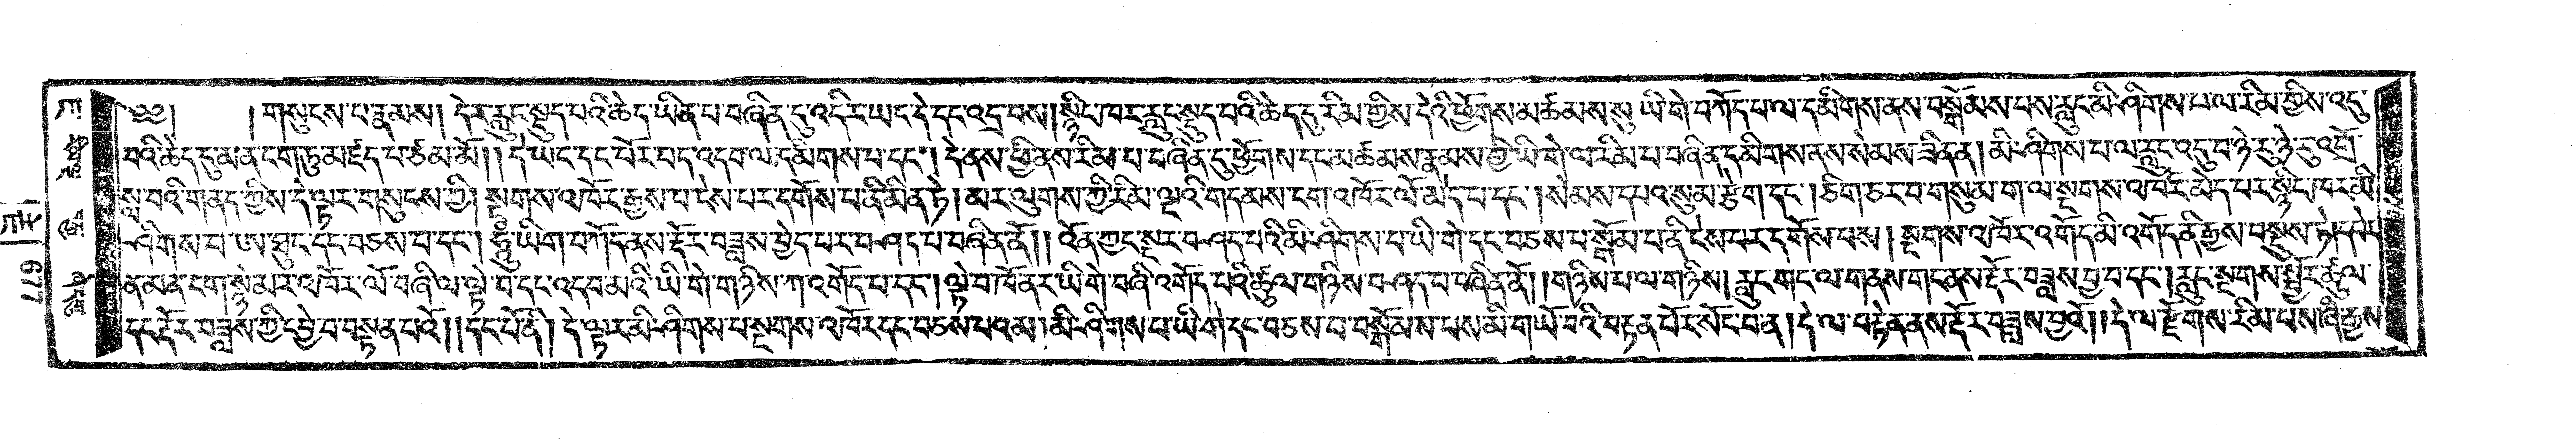༄༅། །གསུངས་པ་རྣམས། དེར་རླུང་སྡུད་པའི་ཆད་ཡིན་པ་བཞིན་དུ་འདིར་ཡང་དེ་དང་འདྲ་བས། སྙིང་ཁར་རླུང་སྡུད་པའི་ཆེད་དུ་རིམ་གྱིས་དེའི་ཕྱོགས་མཚམས་སུ་ཡི་གེ་བཀོད་པ་ལ་དམིགས་ནས་བསྒོམས་པས་རླུང་མི་ཤིགས་པ་ལ་རིམ་གྱིས་འདུ་
བའི་ཆེད་དུ་མན་ངག་ཏུ་མཛད་པ་ཙམ་མོ། །དེ་ཡང་དང་པོར་པད་འདབ་ལ་དམིགས་པ་དང་། དེ་ནས་ཕྱི་ནས་རིམ་པ་བཞིན་དུ་ཕྱོགས་དང་མཚམས་རྣམས་ཀྱི་ཡི་གེ་ལ་རིམ་པ་བཞིན་དམིགས་ནས་སེམས་ཟིན་ན། མི་ཤིགས་པ་ལ་རླུང་འདུ་བ་ཉ་རུ་ཉ་རུ་འགྲོ་
སླ་བའི་གནད་ཀྱིས་དེ་ལྟར་གསུངས་ཀྱི། སྔགས་འཁོར་རྒྱས་པ་ངེས་པར་དགོས་པ་ནི་མིན་ཏེ། མར་ལུགས་ཀྱི་རིམ་ལྔའི་གདམས་ངག་འཁོར་ལོ་མེད་པ་དང་། སེམས་དཔའ་སུམ་རྩེག་དང་། ཅིག་ཅར་བ་གསུམ་ག་ལ་སྔགས་འཁོར་མེད་པར་སྙིང་ཁར་མི་
ཤིགས་པ་ཨ་ཐུང་དང་བཅས་པ་དང་། ཧཱུཾ་ཡིག་བཀོད་ནས་རྡོར་བཟླས་བྱེད་པར་བཤད་པ་བཞིན་ནོ། །འོན་ཀྱང་སྔར་བཤད་པའི་མི་ཤིགས་པ་ཡི་གེ་དང་བཅས་པ་སྒོམ་པ་ནི་ངེས་པར་དགོས་པས། སྔགས་འཁོར་འགོད་མི་འགོད་ནི་རྒྱས་བསྡུས་ཏེ། དཔེར་
ན་མན་ངག་སྙེ་མར་འཁོར་ལོ་བཞི་ལ་ལྟེ་བ་དང་འདབ་མའི་ཡི་གེ་གཉིས་ཀ་འགོད་པ་དང་། ལྟེ་བ་ཁོ་ནར་ཡི་གེ་བཞི་འགོད་པའི་ཚུལ་གཉིས་བཤད་པ་བཞིན་ནོ། །གཉིས་པ་ལ་གཉིས། རླུང་གང་ལ་གནས་གང་ནས་རྡོར་བཟླས་བྱ་བ་དང་། རླུང་སྔགས་སྦྱོར་ཚུལ་
དང་རྡོར་བཟླས་ཀྱི་དབྱེ་བ་བསྟན་པའོ། །དང་པོ་ནི། དེ་ལྟར་མི་ཤིགས་པ་སྔགས་འཁོར་དང་བཅས་པའམ་མི་ཤིགས་པ་ཡི་གེ་དང་བཅས་པ་བསྒོམས་པས་མི་གཡོ་བའི་བརྟན་པོར་སོང་བ་ན། དེ་ལ་བརྟེན་ནས་རྡོར་བཟླས་བྱའོ། །དེ་ལ་རྫོགས་རིམ་པས་ཞི་རྒྱས་